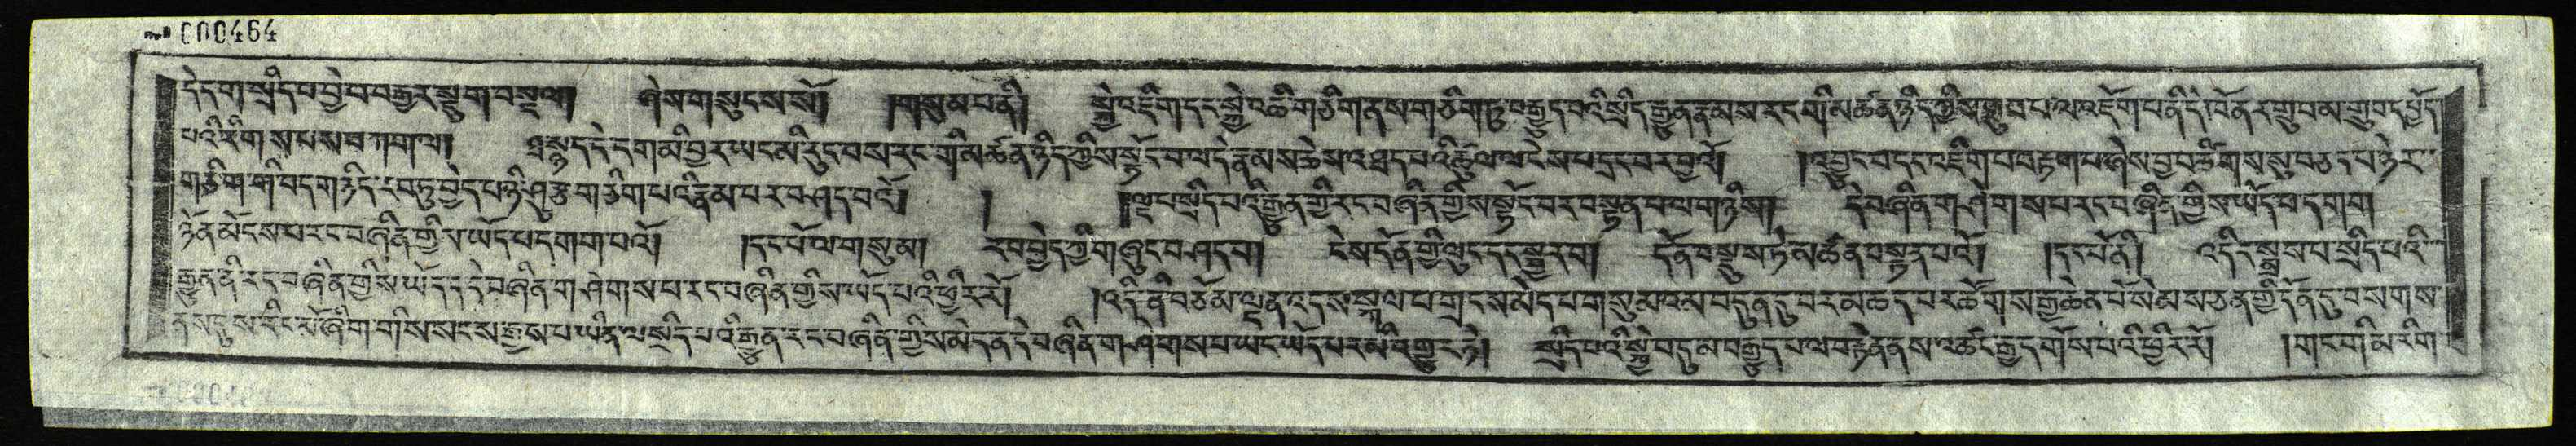དེ་དག་སྲིད་པ་བྱེ་བ་བརྒྱར་སྡུག་བསྔལ། ཞེས་གསུངས་སོ། །གསུམ་པ་ནི། སྐྱེ་འཇིག་དང་སྐྱེ་འཆི་གཅིག་ནས་གཅིག་ཏུ་བརྒྱུད་པའི་སྲིད་རྒྱུན་རྣམས་རང་གི་མཚན་ཉིད་ཀྱིས་ཐུབ་པ་ལ་འཇོག་པ་ནི་དེ་ཁོ་ནར་གྲུབ་མ་གྲུབ་དཔྱོད་
པའི་རིགས་པས་བཀག་ལ། ཐ་སྙད་དེ་དག་མི་བྱར་ཡང་མི་རུང་བས་རང་གི་མཚན་ཉིད་ཀྱིས་སྟོང་བ་ལ་དེ་རྣམས་ཆེས་འཐད་པའི་ཚུལ་ལ་ངེས་པ་དྲང་བར་བྱའོ། །འབྱུང་བ་དང་འཇིག་པ་བརྟག་པ་ཞེས་བྱ་བ་ཚིགས་སུ་བཅད་པ་ཉེར་
གཅིག་གི་བདག་ཉིད་རབ་ཏུ་བྱེད་པ་ཉི་ཤུ་རྩ་གཅིག་པའི་རྣམ་པར་བཤད་པའོ། ། །།ལྔ་པ་སྲིད་པའི་རྒྱུན་གྱི་རང་བཞིན་གྱིས་སྟོང་པར་བསྟན་པ་ལ་གཉིས། དེ་བཞིན་གཤེགས་པ་རང་བཞིན་གྱིས་ཡོད་པ་དགག་
ཉོན་མོངས་པ་རང་བཞིན་གྱིས་ཡོད་པ་དགག་པའོ། །དང་པོ་ལ་གསུམ། རབ་བྱེད་ཀྱི་གཞུང་བཤད་པ། ངེས་དོན་གྱི་ལུང་དང་སྦྱར་བ། དོན་བསྡུས་ཏེ་མཚན་བསྟན་པའོ། །དང་པོ་ནི། འདིར་སྨྲས་པ་སྲིད་པའི་
རྒྱུན་ནི་རང་བཞིན་གྱིས་ཡོད་ད་དེ་བཞིན་གཤེགས་པ་རང་བཞིན་གྱིས་ཡོད་པའི་ཕྱིར་རོ། །འདི་ནི་བཅོམ་ལྡན་འདས་སྐལ་པ་གྲངས་མེད་པ་གསུམ་འམ་བདུན་དུ་བར་མ་ཆད་པར་ཚོགས་རྒྱ་ཆེན་པོ་སེམས་ཅན་གྱི་དོན་དུ་བསགས་
ནས་དུས་རིང་མོ་ཞིག་གིས་སངས་རྒྱས་པ་ཡིན་ལ་སྲིད་པའི་རྒྱུན་རང་བཞིན་གྱིས་མེད་ན་དེ་བཞིན་གཤེགས་པ་ཡང་ཡོད་པར་མི་འགྱུར་ཏེ། སྲིད་པའི་སྐྱེ་བ་དུ་མ་བརྒྱུད་པ་ལ་བརྟེན་ནས་འཚང་རྒྱ་དགོས་པའི་ཕྱིར་རོ། །གང་གི་མ་རིག་